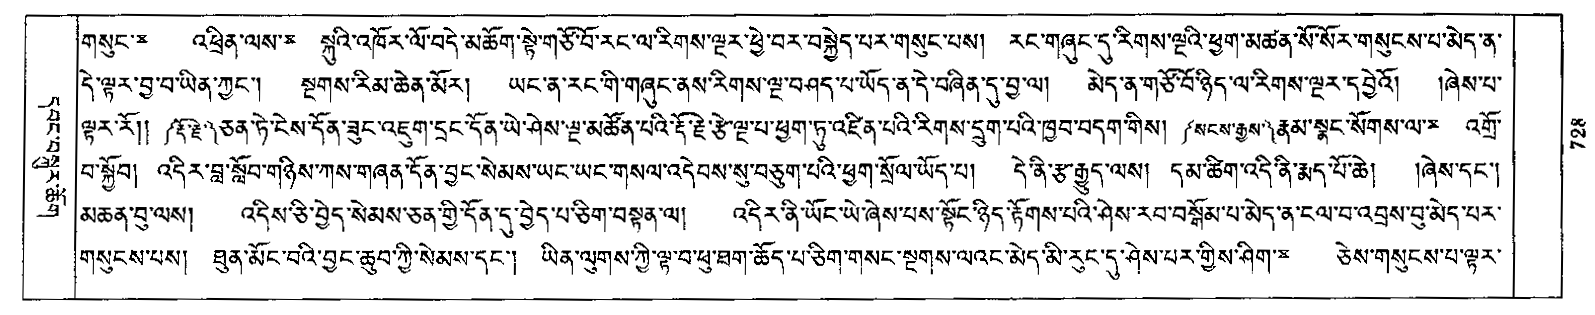གསུང་྾་འཕྲིན་ལས་྾་སྐུའི་འཁོར་ལོ་བདེ་མཆོག་སྟེ་གཙོ་བོ་རང་ལ་རིགས་ལྔར་ཕྱེ་བར་བསྐྱེད་པར་གསུང་པས། རང་གཞུང་དུ་རིགས་ལྔའི་ཕྱག་མཚན་སོ་སོར་གསུངས་པ་མེད་ན་
དེ་ལྟར་བྱ་བ་ཡིན་ཀྱང་། སྔགས་རིམ་ཆེན་མོར། ཡང་ན་རང་གི་གཞུང་ནས་རིགས་ལྔ་བཤད་པ་ཡོད་ན་དེ་བཞིན་དུ་བྱ་ལ། མེད་ན་གཙོ་བོ་ཉིད་ལ་རིགས་ལྔར་དབྱེའོ། །ཞེས་པ་
ལྟར་རོ།། ༼རྡོ་རྗ྄ེ་ཅན་ཏེ་ངེས་དོན་ཟུང་འཇུག་དྲང་དོན་ཡེ་ཤེས་ལྔ་མཚོན་པའི་རྡོ་རྗེ་རྩེ་ལྔ་པ་ཕྱག་ཏུ་འཛིན་པའི་རིགས་དྲུག་པའི་ཁྱབ་བདག་གིས། ༽སངས་རྒྱས྄་རྣམ་སྣང་སོགས་ལ་྾་འགྲོ་
བ་སྐྱོབ། འདིར་བླ་སློབ་གཉིས་ཀས་གཞན་དོན་བྱང་སེམས་ཡང་ཡང་གསལ་འདེབས་སུ་བཅུག་པའི་ཕྱག་སྲོལ་ཡོད་པ། དེ་ནི་རྩ་རྒྱུད་ལས། དམ་ཚིག་འདི་ནི་རྨད་པོ་ཆེ། །ཞེས་དང་།
མཆན་བུ་ལས། འདིས་ཅི་བྱེད་སེམས་ཅན་གྱི་དོན་དུ་བྱེད་པ་ཅིག་བསྟན་ལ། འདིར་ནི་ཡོང་ཡེ་ཞེས་པས་སྟོང་ཉིད་རྟོགས་པའི་ཤེས་རབ་བསྒོམ་པ་མེད་ན་ངལ་བ་འབྲས་བུ་མེད་པར་
གསུངས་པས། ཐུན་མོང་བའི་བྱང་ཆུབ་ཀྱི་སེམས་དང་། ཡིན་ལུགས་ཀྱི་ལྟ་བ་ཕུ་ཐག་ཆོད་པ་ཅིག་གསང་སྔགས་ལའང་མེད་མི་རུང་དུ་ཤེས་པར་གྱིས་ཤིག་྾་ཅེས་གསུངས་པ་ལྟར་